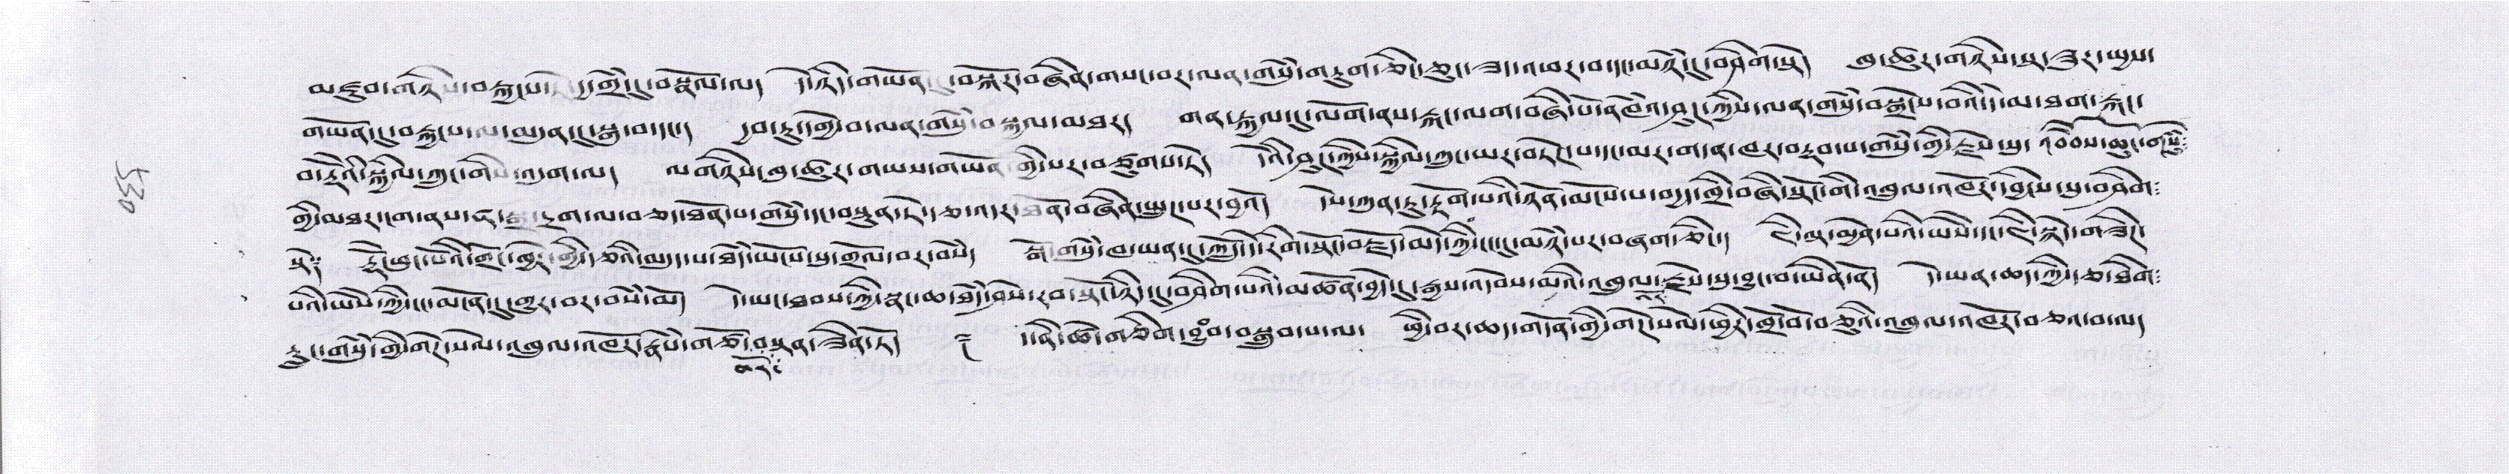མཛུབ་གཉིས་བརྐྱང་སྟེ་རྒྱ་གྲམ་དུ་བསྣོལ་ལ། དེ་ཉིད་གཡོན་དུ་བསྐོར་བཞིན་གསང་བར་ལན་གསུམ་གཏུག་ཅིང་ཅུང་ཟད་འཕར་བ་དང་མཉམ་དུ་བཤིག་སྟེ། ཁུ་ཚུར་གཉིས་སྟ་ཟུར་གཡས་
གཡོན་དུ་བརྐྱང་ལ་མདུན་དུ་སྒུ་བ་དང་། རྒྱབ་ཏུ་དགྱེ་བ་ལན་གསུམ་བསྐྱལ་མཐར་གན་རྒྱལ་དུ་ལོག་ནས་རྐང་ལག་བཞི་པོ་ནམ་མཁའ་ཤུགས་ཀྱིས་ལན་གསུམ་བསྒྲེངས་བའི་དེ་མ་ཐག་རྐང་
པ་རྡོ་རྗེའི་སྐྱིལ་ཀྲུང་གིས་འདུག་ལ། ལག་གཉིས་ཁུ་ཚུར་གཡས་གཡོན་གྱི་སར་བཙུགས་ཏེ་དེའི་ཤུགས་ཀྱིས་སྐྱིལ་ཀྲུང་ཡར་བཏེགས་པ་དང་མར་གདན་ཁར་བརྡབ་པ་གསུམ་གྱི་རྗེས་སུ་༼འབེབས་ཆུང་གསུམ་༽
གྱི་མཐར་ངག་ནས་ཧ་སྒྲ་དྲག་ལ་བསྐྱེད་ཐོན་པ་གསུམ་དང་བསྟུན་ཏེ་རྩ་འདར་ཐོན་བཞིན་སྤྲུགས་པར་བྱའོ། དེས་ཀུན་ཏུ་རྟོག་པའི་ཉོན་མོངས་པ་བརྒྱད་ཁྲི་བཞི་སྟོང་གི་འཁྲུལ་འཁོར་དབྱིངས་སུ་བཤིག་
སྟེ་རྡོ་རྗེ་ཕུང་པོའི་གྲོང་ཁྱེར་གྱི་རྩ་ཡི་མདུད་པ་ཐམས་ཅད་ཡོངས་སུ་གྲོལ་བར་བསམ། སྒོ་གསུམ་ཁ་ཡན་དུ་གློད་དེ་རིག་སྟོང་བརྗོད་མེད་ཀྱི་ངང་དུ་མཉམ་པར་བཞག་ཅིང་། ཇི་ལྟ་མཁྱེན་པའི་ཡེ་ཤེས་དང་ཇི་སྙེད་གཟིགས་
པའི་ཡེ་ཤེས་ཀྱི་ངང་མངོན་དུ་གྱུར་པར་བསམ་མོ། དེ་ཡང་ཐབས་ཀྱི་སྣང་ཆ་ཐམས་ཅད་ཤེས་རབ་ཏུ་སྟོང་ཉིད་དུ་བཤིག་པའི་མཚོན་བྱེད་དུ་རྒྱས་འདེབས་མའི་འཁྲུལ་འཁོར་རྗེས་སུ་བྱུང་བ་ཡིན་ནོ། དེ་ཡན་ཆད་ཀྱི་རྩ་ཐིག་
རླུང་གསུམ་གེག་སེལ་འཁྲུལ་འཁོར་རྣམས་གཙོ་བོར་བསྟན་ཟིན་ཏོ།། ༧ ད་ནི་ཚེ་གཅིག་བྱང་ཆུབ་བསྒྲུབ་པ་ལ། ཕྱི་བར་ཆད་གདོན་བགེགས་ཀྱི་གེགས་སེལ་ཕྱིར་ཁྲོ་བོ་བཅུའི་འཁྲུལ་འཁོར་བཅའ་བ་ལ།